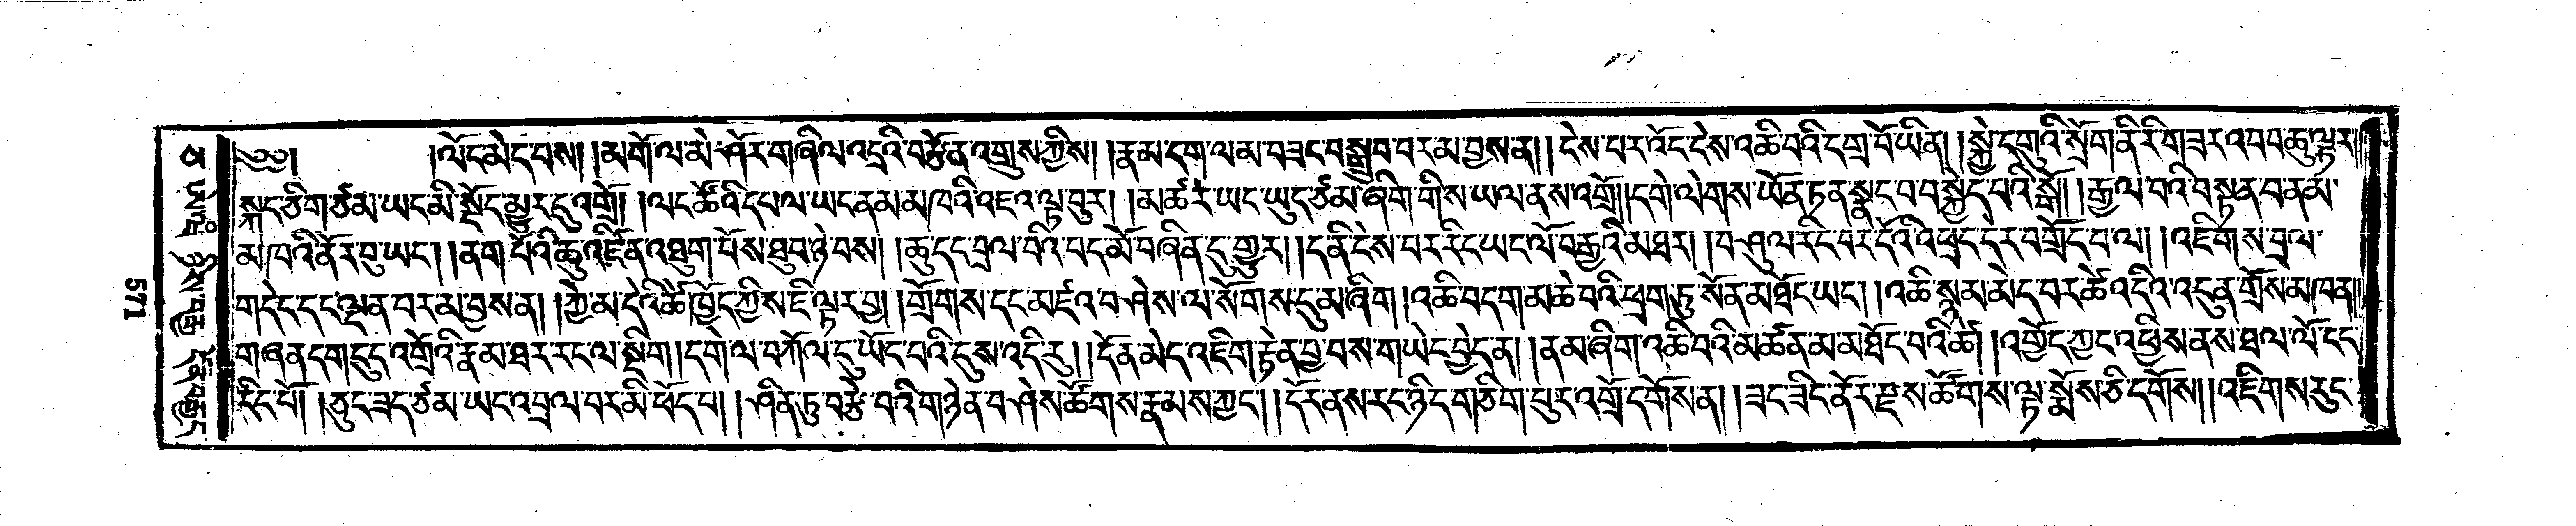༄༅། །ལོང་མེད་པས། །མགོ་ལ་མེ་ཤོར་གཞིལ་འདྲའི་བརྩོན་འགྲུས་ཀྱིས། །རྣམ་དག་ལམ་བཟང་བསྒྲུབ་པར་མ་བྱས་ན། །ངེས་པར་འོང་ངེས་?་འཆི་བའི་དགྲ་བོ་ཡིན། །སྐྱེ་དགུའི་སྲོག་ནི་རི་གཟར་འབབ་ཆུ་ལྟར།།
སྐད་ཅིག་ཙམ་ཡང་མི་སྡོད་མྱུར་དུ་འགྲོ། །ལང་ཚོའི་དཔལ་ཡང་ནམ་མཁའི་འཇའ་ལྟ་བུར། །མཚར་ཡང་ཡུད་ཙམ་ཞིག་གིས་ཡལ་ནས་འགྲོ། །དགེ་ལེགས་ཡོན་ཏན་སྣང་བ་བསྐྱེད་པའི་སྒོ། །རྒྱལ་བའི་བསྟན་པ་ནམ་
མཁའི་ནོར་བུ་ཡང་། །ནག་པོའི་ཆུ་འཛིན་འཐུག་པོས་ཐུབ་ཉེ་བས། །ཆུ་དང་དྲལ་བའི་པད་མོ་བཞིན་དུ་གྱུར། །ད་ནི་ངེས་པར་རིང་ཡང་ལོ་བརྒྱའི་མཐར། །བཤུལ་རིང་བར་དོའི་འཕྲང་དེར་བགྲོད་པ་ལ། །འཇིགས་བྲལ་
གདེང་དང་ལྡན་པར་མ་བྱས་ན། །ཀྱེ་མ་དེའི་ཚེ་ཁྱོད་ཀྱིས་ཇི་ལྟར་བྱ། །གྲོགས་དང་མཛའ་བཤེས་ལ་སོགས་དུ་མ་ཞིག །འཆི་བདག་མཆེ་བའི་ཕྲག་ཏུ་སོན་མཐོང་ཡང་། །འཆི་སྙམ་མེད་པར་ཚེ་འདིའི་འདུན་གྲོས་མཁན།།
གཞན་དག་དུད་འགྲོའི་རྣམ་ཐར་རང་ལ་སྡིག །དགེ་ལ་བཀོལ་དུ་ཡོད་པའི་དུས་འདི་རུ། །དོན་མེད་འཇིག་རྟེན་བྱ་བས་གཡེང་བྱེད་ན། །ནམ་ཞིག་འཆི་བའི་མཚན་མ་མཐོང་བའི་ཚེ། །འགྱོད་ཀྱང་འཕྱིས་ནས་ཐལ་ལོ་ངང་
རིང་པོ། །ཅུང་ཟད་ཙམ་ཡང་འབྲལ་བར་མི་ཕོད་པ། །ཤིན་ཏུ་བརྩེ་བའི་གཉེན་བཤེས་ཚོགས་རྣམས་ཀྱང་། །དོར་ནས་རང་ཉིད་གཅིག་པུར་འགྲོ་དགོས་ན། །ཟང་ཟིང་ནོར་རྫས་ཚོགས་ལྟ་སྨོས་ཅི་དགོས། །འཇིགས་རུང་